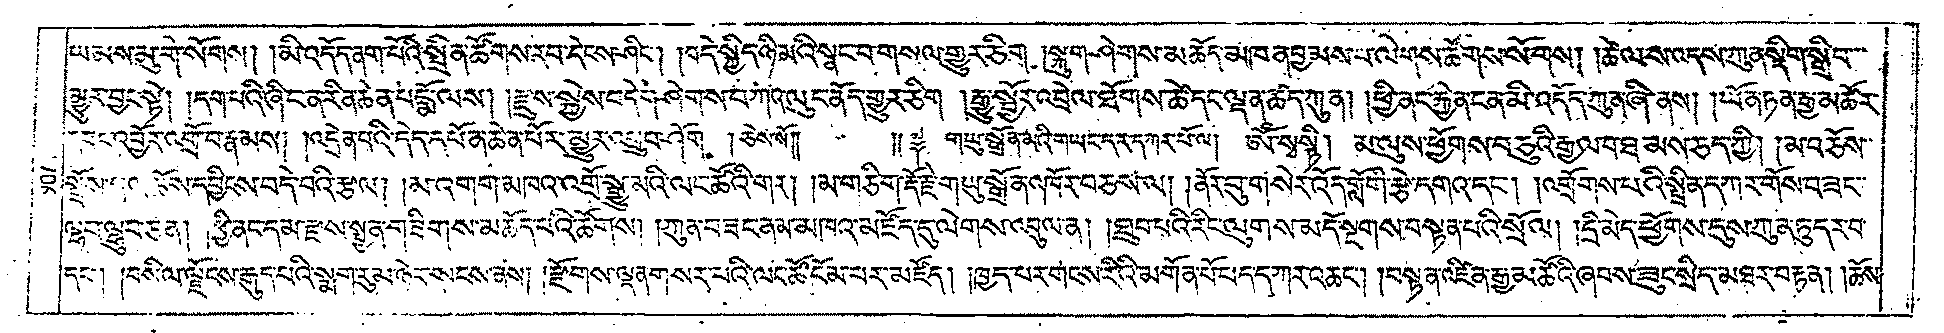ཡམས་མུ་གེ་སོགས། །མི་འདོད་ནག་པོའི་སྤྲིན་ཚོགས་རབ་དེང་ཤིང་། །བདེ་སྐྱིད་ཉི་མའི་སྣང་བ་གསལ་གྱུར་ཅིག །སྐུ་གཤེགས་མཆོད་མཁན་བྱམས་པ་ལེགས་ཚོགས་སོགས། །ཚེ་ལས་འདས་ཀུན་སྡིག་སྒྲིབ་
མྱུར་བྱང་སྟེ། །དག་པའི་ཞིང་ན་རིན་ཆེན་པདམོ་ལས། །རྫུས་སྐྱེས་བདེ་གཤེགས་བཀའ་ལུང་ནོད་གྱུར་ཅིག །རྒྱུ་སྦྱོར་འབྲེལ་ཐོགས་ཚེ་དང་ལྡན་ཚད་ཀུན། །ཕྱི་ནང་རྐྱེན་ངན་མི་འདོད་ཀུན་ཞི་ནས། །ཡོན་ཏན་རྒྱ་མཚོར་
དབང་འབྱོར་འགྲོ་བ་རྣམས། །འདྲེན་པའི་དེད་དཔོན་ཆེན་པོར་མྱུར་འགྲུབ་ཤོག ། ཅེས་སོ།། །། ༈ གཡུ་སྒྲོན་མའི་གཡང་དར་དཀར་པོ་ལ།  ཨོཾ་སྭ་སྟི། མ་ལུས་ཕྱོགས་བཅུའི་རྒྱལ་བ་ཐམས་ཅད་ཀྱི། །མ་བཅོས་
སྤྲོས་བྲལ་ཆོས་དབྱིངས་བདེ་བའི་རྩལ། །མ་འགག་མཁའ་འགྲོ་སྒྱུ་མའི་ལང་ཚོའི་གར། །མ་གཅིག་རྡོ་རྗེ་གཡུ་སྒྲོན་འཁོར་བཅས་ལ། །ནོར་བུ་གསེར་འོད་གློག་གི་རྩེ་དགའ་དང་། །འགྲོགས་པའི་སྤྲིན་དཀར་གོས་བཟང་
ལྷབ་ལྷུབ་ཅན། །ཕྱི་ནང་དམ་རྫས་སྤྱན་གཟིགས་མཆོད་པའི་ཚོགས། །ཀུན་བཟང་ནམ་མཁའ་མཛོད་དུ་ལེགས་འབུལ་ན། །ཐུབ་པའི་རིང་ལུགས་མདོ་སྔགས་བསྟན་པའི་སྲོལ། །དྲི་མེད་ཕྱོགས་དུས་ཀུན་ཏུ་དར་བ་
དང་། །བསིལ་ལྗོངས་རྒུད་པའི་སྨག་རུམ་ཉེར་སངས་ནས། །རྫོགས་ལྡན་གསར་པའི་ལང་ཚོ་ངོམ་པར་མཛོད། །ཁྱད་པར་གངས་རིའི་མགོན་པོ་པད་དཀར་འཆང་། །བསྟན་འཛིན་རྒྱ་མཚོའི་ཞབས་ཟུང་སྲིད་མཐར་བརྟན། །ཆོས་